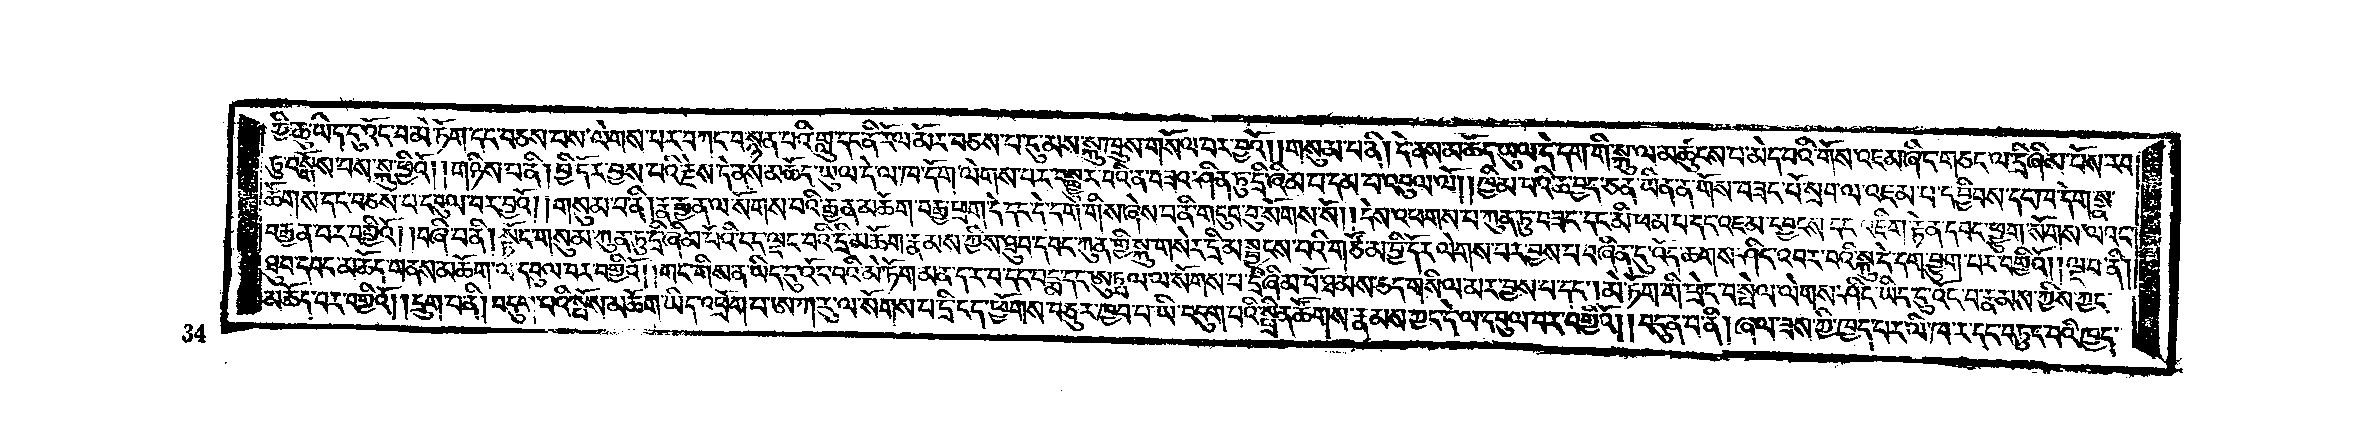ཀྱི་ཆུ་ཡིད་དུ་འོང་བ་མེ་ཏོག་དང་བཅས་པས་ལེགས་པར་བཀད་པ་སྙན་པའི་གླུ་དང་ནི་རོལ་མོར་བཅས་པ་དུ་མས་སྐུ་ཁྲུས་གསོལ་བར་བྱའོ། །གསུམ་པ་ནི། དེ་ནས་མཆོད་ཡུལ་དེ་དག་གི་སྐུ་ལ་མཚུངས་པ་མེད་པའི་གོས་འཇམ་ཞིང་གང་ལ་དྲི་ཞིམ་པོས་རབ་
ཏུ་བསྒོས་པས་སྐུ་ཕྱིའོ། །གཉིས་པ་ནི། བྱི་དོར་བྱས་པའི་རྗེས་དེ་ནས་མཆོད་ཡུལ་དེ་ལ་ཁ་དོག་ལེགས་པར་བསྒྱུར་བའི་ན་བཟའ་ཤིན་ཏུ་དྲི་ཞིམ་པ་དམ་པ་འབུལ་ལོ། །ཁྱིམ་པའི་ཆ་བྱད་ཅན་ཡིན་ན་གོས་བཟང་པོ་སྲབ་ལ་འཇམ་པ་དབྱིབས་དང་ཁ་དོག་སྣ་
ཚོགས་དང་བཅས་པ་དབུལ་བར་བྱའོ། །གསུམ་པ་ནི། རྣ་རྒྱན་ལ་སོགས་པའི་རྒྱན་མཆོག་བརྒྱ་ཕྲག་དེ་དང་དེ་དག་གིས་ཞེས་པ་ནི་གདུབ་བུ་སོགས་སོ། །དེས་འཕགས་པ་ཀུན་ཏུ་བཟང་དང་མི་ཕམ་པ་དང་འཇམ་དབྱངས་དང་འཇིག་རྟེན་དབང་ཕུག་སོགས་ལའང་
བརྒྱན་པར་བགྱིའོ། །བཞི་པ་ནི། སྟོང་གསུམ་ཀུན་ཏུ་དྲི་ཞིམ་པོའི་དད་ལྡང་བའི་དྲི་མཆོག་རྣམས་ཀྱིས་ཐུབ་དབང་ཀུན་གྱི་སྐུ་གསེར་དྲི་མ་སྦྱངས་པའི་གཙོ་མ་བྱི་དོར་ལེགས་པར་བྱས་པ་བཞིན་དུ་འོད་ཆགས་ཤིང་འབར་བའི་སྐུ་དེ་དག་བྱུག་པར་བགྱིའོ། །ལྔ་པ་ནི།
ཐུབ་དབང་མཆོད་གནས་མཆོག་ལ་དབུལ་བར་བགྱིའོ། །གང་གིས་ན་ཡིད་དུ་འོང་བའི་མེ་ཏོག་མན་ད་ར་བ་དང་པདམ་དང་ཨུཏཔལ་ལ་སོགས་པ་དྲི་ཞིམ་པོ་ཐམས་ཅད་གསིལ་མར་བྱས་པ་དང་། མེ་ཏོག་གི་ཕྲེང་བ་སྤེལ་ལེགས་ཤིང་ཡིད་དུ་འོང་བ་རྣམས་ཀྱིས་ཀྱང་
མཆོད་པར་བགྱིའོ། །དྲུག་པ་ནི། བདུག་པའི་སྤོས་མཆོག་ཡིད་འཕྲོག་པ་ཨ་ཀ་རུ་ལ་སོགས་པ་དྲི་དང་ཕྱོགས་བཅུར་ཁྱབ་པ་ཡི་བདུག་པའི་སྤྲིན་ཚོགས་རྣམས་ཀྱང་དེ་ལ་དབུལ་བར་བགྱིའོ། །བདུན་པ་ནི། ཞལ་ཟས་ཀྱི་ཁྱད་པར་ལི་ཁ་ར་དང་བཏུང་བའི་ཁྱད་